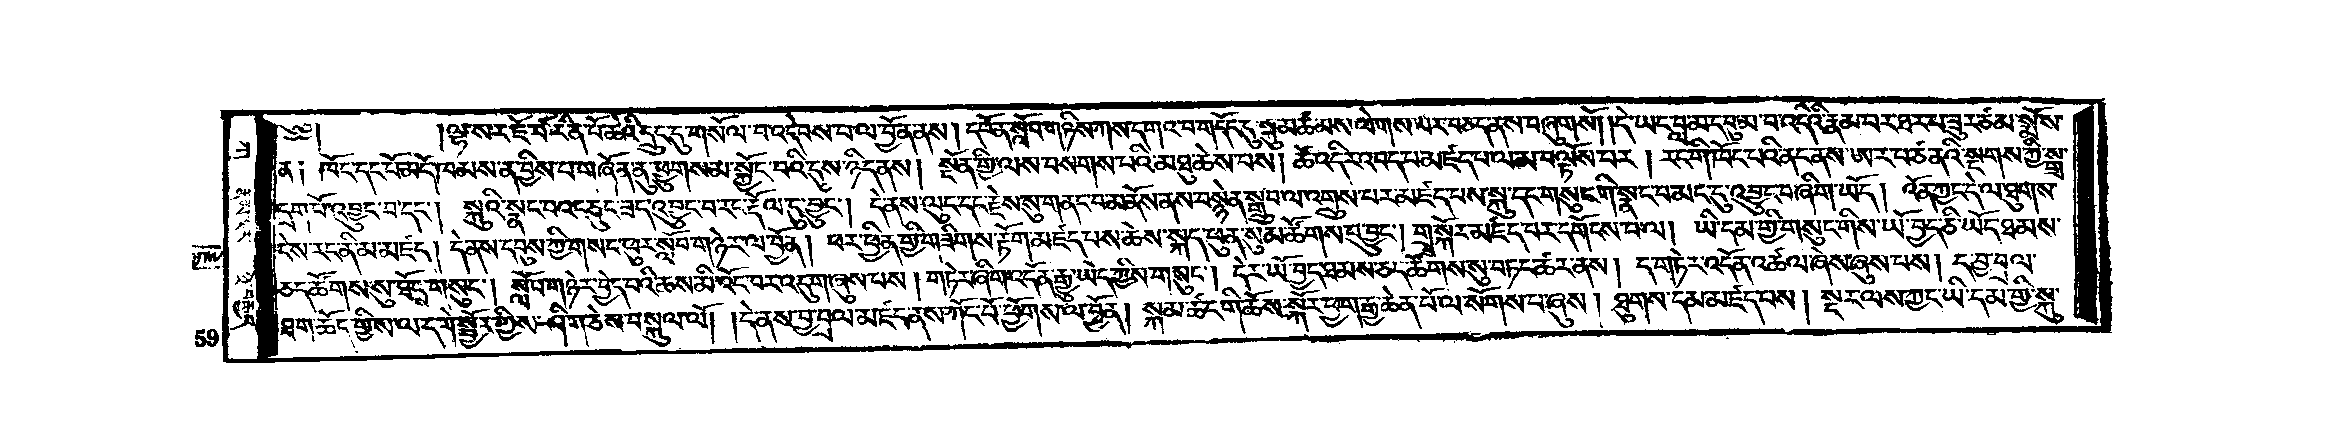༄༅། །ལྷ་སར་ཇོ་བོ་རིན་པོ་ཆེའི་དྲུང་དུ་གསོལ་བ་འདེབས་པ་ལ་བྱོན་ནས། དཔོན་སློབ་གཉིས་ཀས་དགའ་བ་གདོང་དུ་སྐུ་མཚམས་ལེགས་པར་བཅད་ནས་བཞུགས་སོ། །དེ་ཡང་བླ་མ་དབུ་མ་པ་འདིའི་རྣམ་པར་ཐར་པ་ཟུར་ཙམ་སྨོས་
ན། ཁོང་དང་པོ་མདོ་ཁམས་ན་བྱིས་པ་གཞོན་ནུ་ཕྱུགས་མ་སྐྱོང་བའི་དུས་ཉིད་ནས། སྔོན་གྱི་ལས་བསགས་པའི་མཐུ་ཆེས་པས། ཚེ་འདིར་འབད་པ་མཛད་པ་ལ་མ་བལྟོས་པར། རང་གི་ཁོང་པའི་ནང་ནས་ཨ་ར་པ་ཙ་ནའི་སྔགས་ཀྱི་སྒྲ་
དྲག་པོ་འབྱུང་བ་དང་། སྐུའི་སྣང་བའང་ཅུང་ཟད་འབྱུང་བ་རང་རྡོལ་དུ་བྱུང་། དེ་ནས་ལུང་དང་རྗེས་སུ་གནང་བ་མནོས་ནས་བསྙེན་སྒྲུབ་ལ་འགྲུས་པར་མཛད་པས་སྐུ་དང་གསུང་གི་སྣང་བ་མང་དུ་འབྱུང་བ་ཞིག་ཡོད། འོན་ཀྱང་དེ་ལ་ཐུགས་
ངེས་རང་ནི་མ་མཛད། དེ་ནས་དབུས་ཀྱི་གསང་ཕུར་སློབ་གཉེར་ལ་བྱོན། ཕར་ཕྱིན་གྱི་གཟིགས་རྟོག་མཛད་པས་ཆེས་སྐད་ཕུན་སུམ་ཚོགས་པ་བྱུང་། གྲྭ་སྐོར་མཛད་པར་དགོངས་པ་ལ། ཡི་དམ་གྱི་གསུང་གིས་ཡོ་བྱད་ཅི་ཡོད་ཐམས་
ཅད་ཚོགས་སུ་ཐོངས་གསུང་། སློབ་གཉེར་བྱེད་པའི་ཆས་མི་འོང་བར་འདུག་ཞུས་པས། གཏེར་ཞིག་འདོན་རྒྱུ་ཡོད་ཀྱིས་གསུང་། དེར་ཡོ་བྱད་ཐམས་ཅད་ཚོགས་སུ་བཏང་ཚར་ནས། ད་གཏེར་འདོན་འཚལ་ཞེས་ཞུས་པས། ད་བྱ་བྲལ་
ཐག་ཆོད་གྱིས་ལ་དགེ་སྦྱོར་གྱིས་ཤིག་ཅེས་བསྐུལ་ལོ། །དེ་ནས་བྱ་བྲལ་མཛད་ནས་ཀོང་པོ་ཕྱོགས་ལ་བྱོན། སྐམ་ཚང་གི་ཆོས་སྐོར་ཕྱག་རྒྱ་ཆེན་པོ་ལ་སོགས་པ་ཞུས། ཐུགས་དམ་མཛད་པས། སྔར་ལས་ཀྱང་ཡི་དམ་གྱི་སྐུ་